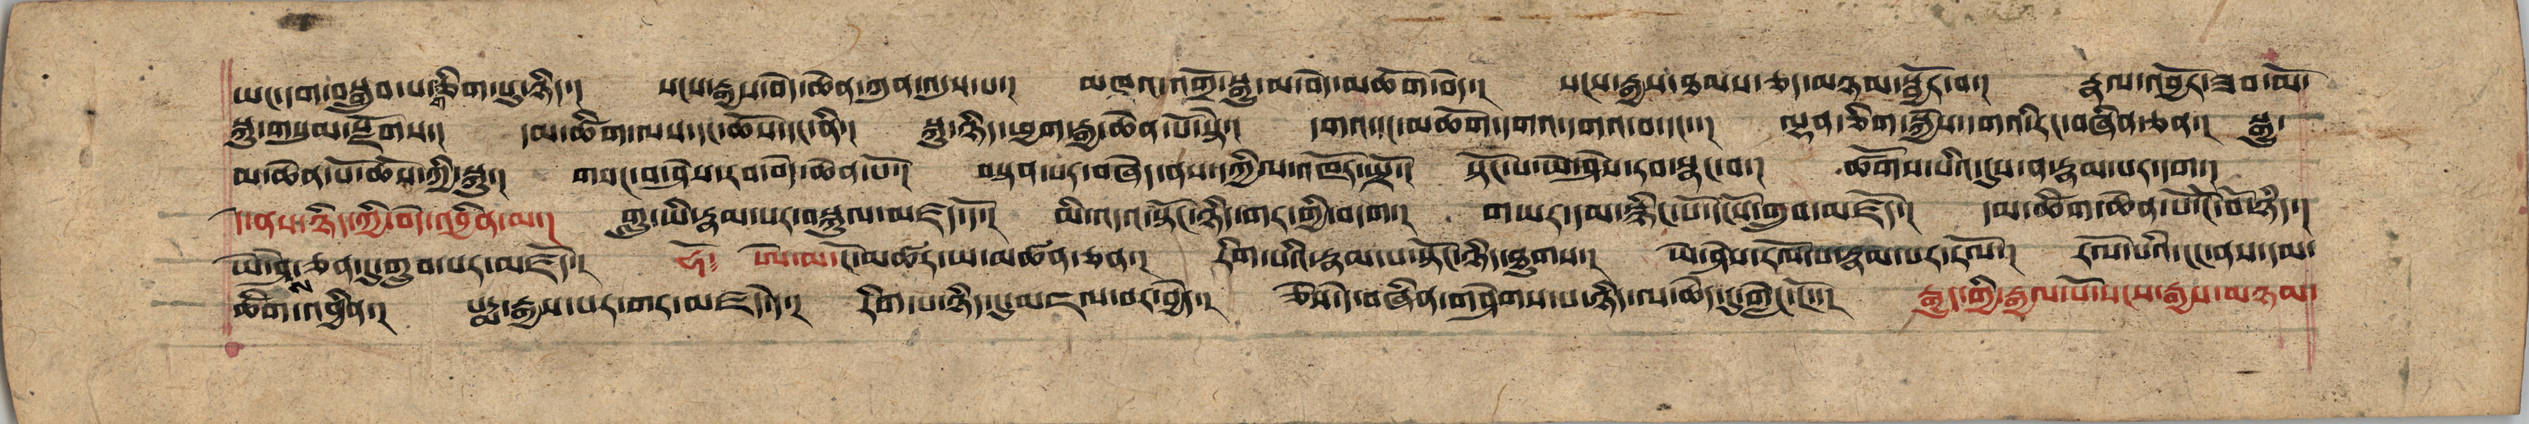ཡང་དག་བསྒྲུབ་པ་གཅིག་པུ་ཉིད་། སངས་རྒྱས་བདེ་ཆེན་ཀུན་འདུས་པ་། མཁའ་འགྲོ་སྒྱུ་མ་བདེ་མཆོག་བདེ་། སངས་རྒྱས་ཐམས་ཅད་མཉམ་སྦྱོར་བ་། རྣལ་འབྱོར་ཟབ་མོ་
སྐུ་གསུམ་སྫོགས་། དམ་ཚིག་ལས་དང་ཆོས་དང་ནི་། སྐུ་ཉིད་ཕྱག་རྒྱ་ཆེན་པོ་སྟེ་། དགའ་དང་མཆོག་དགའ་དགའ་བ་དང་་། ལྷན་ཅིག་སྐྱེས་དགའི་རང་བཞིན་ཅན་། སྒྱུ་
མ་ཆེན་པོ་ཆོས་ཀྱི་སྐུ་། གསང་བ་ཤེས་རབ་བདེ་ཆེན་པོ་། བསྟན་པར་བཞེད་ནས་དཀྱིལ་འཁོར་སྤྲོ་། སྟོང་པ་ཡེ་ཤེས་རབ་སྣང་བ་། ཚོགས་པའི་དུས་ན་རྣམ་པར་དག་།
དེ་ནས་ཉིདཀྱི་བདེ་འབྱིན་ལ་། གླུ་ཡི་རྣམ་པར་བསྐུལ་མཛད་དོ་། མི་འདའ་སྟོང་ཉིད་གར་གྱི་བདག། གཡར་དམ་སྙིང་པོ་དངོས་གྲུབ་མཛོད་། དམ་ཚིག་ཆེན་པོ་ངོ་བོ་ཉིད་།
ཡེ་ཤེས་ཅན་དུ་གྲུབ་པར་མཛོད་། ཧོ་ ཨེ་མ་ངོ་མཚར་ཡ་མཚན་ཅན་། རིག་པའི་རྣམ་པ་སྟོང་ཉིད་ཐུགས་། ཡེ་ཤེས་རོལ་པ་རྣམ་པར་རོལ་། རོལ་པའི་ངང་ནས་དམ་
ཚིག་འབྱིན་། པདྨ་རྒྱས་པར་གར་མཛད་དེ་། རིག་པ་ཉིད་དུ་མཇལ་བར་བྱེད་། ཅེས་དེ་བཞིན་གཤེགས་པ་ཉིད་ལ་ཆེད་དུ་གླེང་ངོ་་། རྒྱུད་ཀྱི་རྒྱལ་པོ་སངས་རྒྱས་མཉམ་